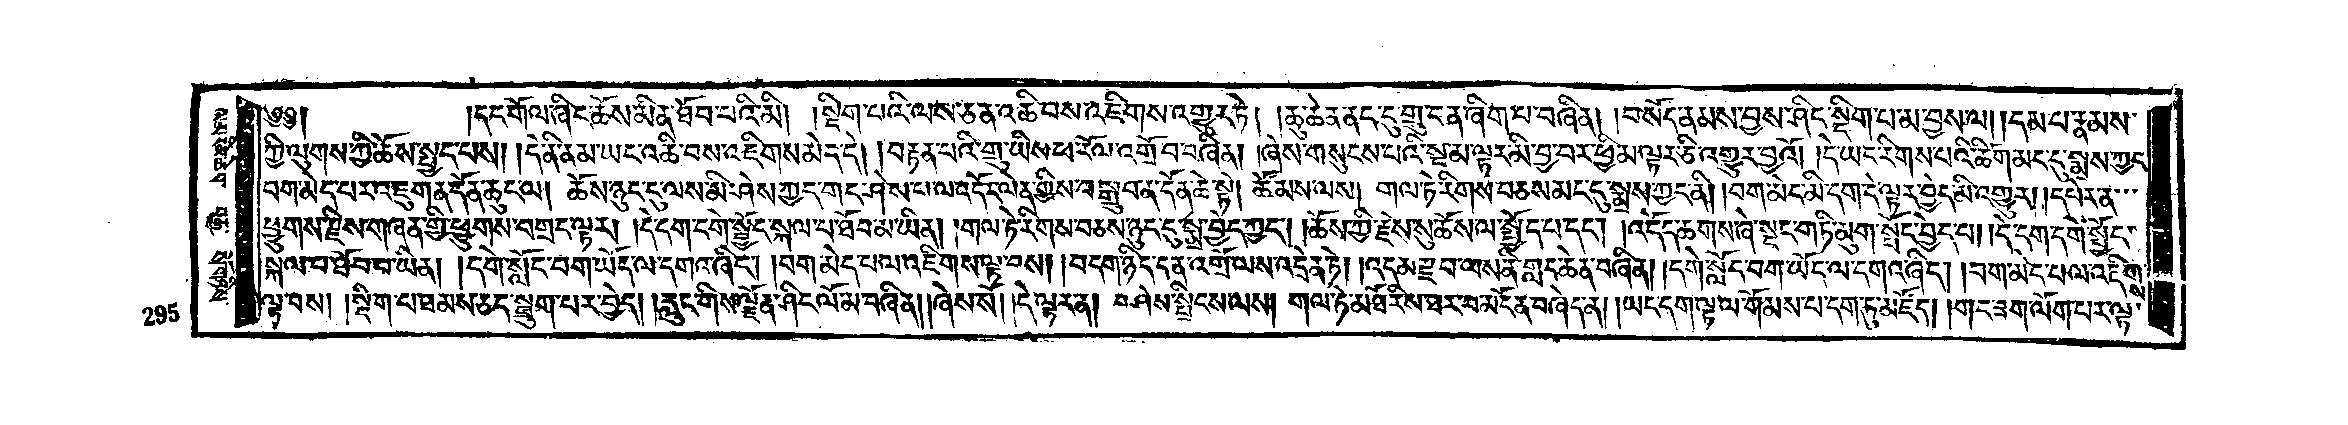༄༅། །དང་གོལ་ཞིང་ཆོས་མིན་ཐོབ་པའི་མི། །སྡིག་པའི་ལས་ཅན་འཆི་བས་འཇིགས་འགྱུར་ཏེ། །ཆུ་ཆེན་ནང་དུ་གྲུ་ངན་ཞིག་པ་བཞིན། །བསོད་ནམས་བྱས་ཤིང་སྡིག་པ་མ་བྱས་ལ། །དམ་པ་རྣམས་
ཀྱི་ལུགས་ཀྱི་ཆོས་སྤྱད་པས། །དེ་ནི་ནམ་ཡང་འཆི་བས་འཇིགས་མེད་དེ། །བརྟན་པའི་གྲུ་ཡིས་ཕ་རོལ་འགྲོ་བ་བཞིན། །ཞེས་གསུངས་པའི་སྔ་མ་ལྟར་མི་བྱ་བར་ཕྱི་མ་ལྟར་ཅི་འགྱུར་བྱའོ། །དེ་ཡང་རིགས་པའི་ཚིག་མང་དུ་སྨྲས་ཀྱང་
བག་མེད་པར་འཇུག་ན་དོན་ཆུང་ལ། ཆོས་ཉུང་དུ་ལས་མི་ཤེས་ཀྱང་གང་ཤེས་པ་ལ་འདོར་ལེན་གྱིས་བསྒྲུབ་ན་དོན་ཆེ་སྟེ། ཚོམས་ལས། གལ་ཏེ་རིགས་བཅས་མང་དུ་སྨྲས་ཀྱང་ནི། །བག་མེད་མི་དག་དེ་ལྟར་བྱེད་མི་འགྱུར། །དཔེར་ན་
ཕྱུགས་རྫིས་གཞན་གྱི་ཕྱུགས་བགྲང་ལྟར། །དེ་དག་དགེ་སྦྱོང་སྐལ་བ་ཐོབ་མ་ཡིན། །གལ་ཏེ་རིགས་བཅས་ཉུང་དུ་སྨྲ་བྱེད་ཀྱང་། །ཆོས་ཀྱི་རྗེས་སུ་ཆོས་ལ་སྤྱོད་པ་དང་། །འདོད་ཆགས་ཞེ་སྡང་གཏི་མུག་སྤོང་བྱེད་པ། །དེ་དག་དགེ་སྦྱོང་
སྐལ་བ་ཐོབ་པ་ཡིན། །དགེ་སློང་བག་ཡོད་ལ་དགའ་ཞིང་། །བག་མེད་པ་ལ་འཇིགས་ལྟ་བས། །བདག་ཉིད་ངན་འགྲོ་ལས་འདྲེན་ཏེ། །འདམ་རྫབ་ལས་ནི་གླང་ཆེན་བཞིན། །དགེ་སློང་བག་ཡོད་ལ་དགའ་ཞིང་། །བག་མེད་པ་ལ་འཇིགས་
ལྟ་པས། །སྡིག་པ་ཐམས་ཅད་སྤྲུག་པར་བྱེད། །རླུང་གིས་ལྗོན་ཤིང་ལོ་མ་བཞིན། །ཞེས་སོ། །དེ་ལྟར་ན། བཤེས་སྤྲིངས་ལས། གལ་ཏེ་མཐོ་རིས་ཐར་པ་མངོན་བཞེད་ན། །ཡང་དག་ལྟ་ལ་གོམས་པ་དག་ཏུ་མཛོད། །གང་ཟག་ལོག་པར་ལྟ་